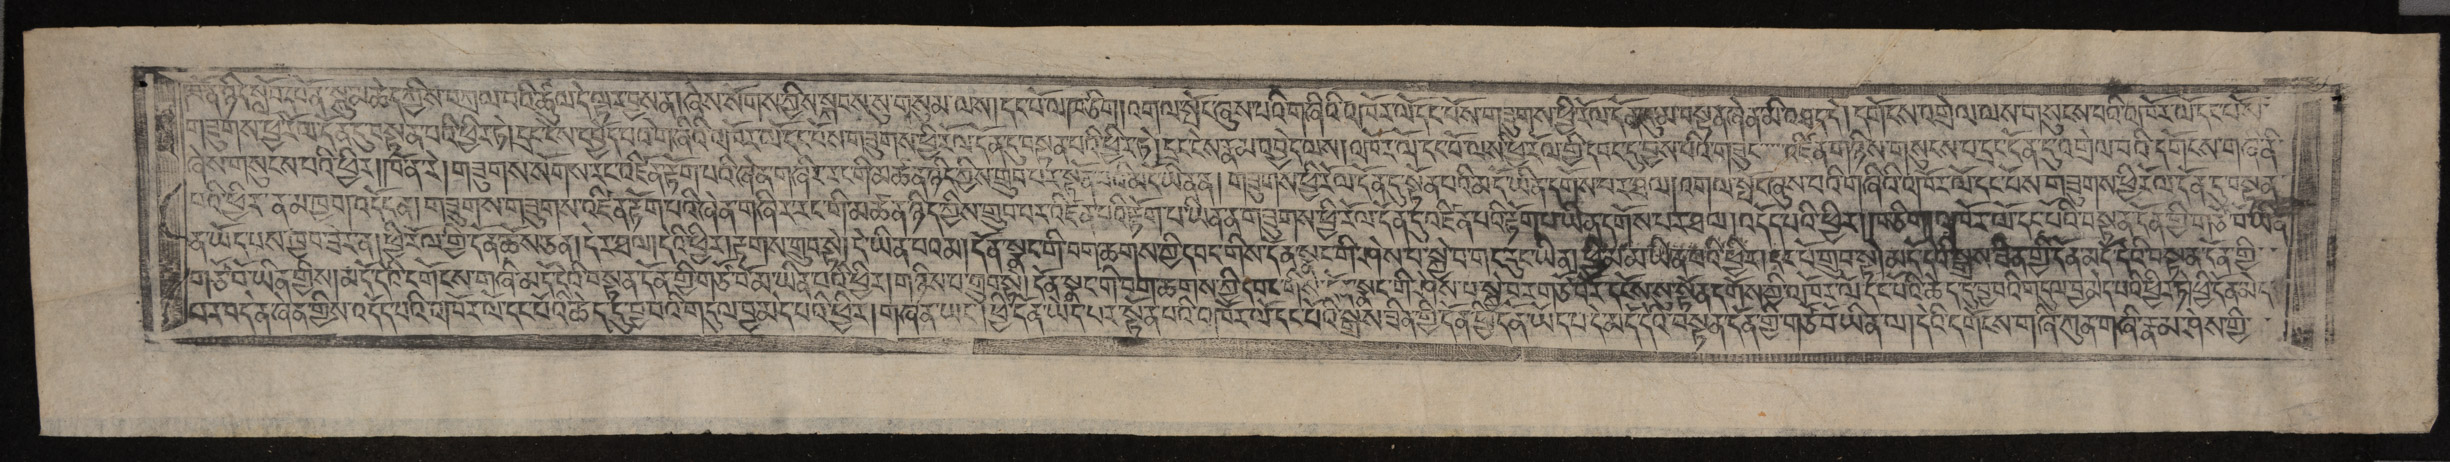ཁོ་ན་ཉིད་སློབ་དཔོན་སྐུ་མཆེད་ཀྱིས་བཀྲལ་པའི་ཚུལ་དེ་ལྟར་བྱས་ན། ཞེས་སོགས་ཀྱིས་སྐབས་སུ་གསུམ་ལས། དང་པོ་ལ་ཁ་ཅིག། འགལ་སྤོང་ཞུས་པའི་གཞིའི་འཁོར་ལོ་དང་པོས་གཟུགས་ཕྱི་རོལ་དོན་དུ་མ་བསྟན་ཞེ་ན་མི་འཐད་དེ། དགོངས་འགྲེལ་ལས་གསུངས་པའི་འཁོར་ལོ་དང་པོས་
གཟུགས་ཕྱི་རོལ་དོན་དུ་བསྟན་པའི་ཕྱིར་ཏེ། དྲང་ངེས་དཔྱོད་པའི་གཞིའི་འཁོར་ལོ་དང་པོས་གཟུགས་ཕྱི་རོལ་དོན་དུ་བསྟན་པའི་ཕྱིར་ཏེ། དྲང་ངེས་རྣམ་འབྱེད་ལས། འཁོར་ལོ་དང་པོ་ལས་ཕྱི་རོལ་གྱི་དབང་དུ་བྱས་པའི་གཟུང་འཛིན་གཉིས་གསུངས་པ་དྲང་དོན་དུ་འགྲེལ་བའི་དགོངས་གཞི་ནི་
ཞེས་གསུངས་པའི་ཕྱིར། ཁོ་ན་རེ། གཟུགས་སོགས་རང་འཛིན་རྟོག་པའི་ཞེན་གཞིར་རང་གི་མཚན་ཉིད་ཀྱིས་གྲུབ་པར་སྟོན་པའི་མདོ་ཡིན་ན། གཟུགས་ཕྱི་རོལ་དོན་དུ་སྟོན་པའི་མདོ་ཡིན་དགོས་པར་ཐལ། འགལ་སྤོང་ཞུས་པའི་གཞིའི་འཁོར་ལོ་དང་པོས་གཟུགས་ཕྱི་རོལ་དོན་དུ་བསྟན་
པའི་ཕྱིར་ན་མ་ཁྱབ། འདོད་ན། གཟུགས་གཟུགས་འཛིན་རྟོག་པའི་ཞེན་གཞིར་རང་གི་མཚན་ཉིད་ཀྱིས་གྲུབ་པར་འཛིན་པའི་རྟོག་པ་ཡིན་ན་གཟུགས་ཕྱི་རོལ་དོན་དུ་འཛིན་པའི་རྟོག་པ་ཡིན་དགོས་པར་ཐལ། འདོད་པའི་ཕྱིར། ཁ་ཅིག། འཁོར་ལོ་དང་པོའི་བསྟན་དོན་གྱི་གཙོ་བོ་ཡིན་
ན་ཡོད་པས་ཁྱབ་ཟེར་ན། ཕྱི་རོལ་གྱི་དོན་ཆོས་ཅན། དེར་ཐལ། དེའི་ཕྱིར། རྟགས་གྲུབ་སྟེ། དེ་ཡིན་པའམ། དོན་སྣང་གི་བག་ཆགས་ཀྱི་དབང་གིས་དོན་སྣང་གི་ཤེས་པ་སྐྱེ་བ་གང་རུང་ཡིན། ཕྱི་མ་མ་ཡིན་པའི་ཕྱིར། དང་པོ་གྲུབ་སྟེ། མདོ་དེའི་སྒྲས་ཟིན་གྱི་དོན་མདོ་དེའི་བསྟན་དོན་གྱི་
གཙོ་བོ་ཡིན་གྱིས། མདོ་དེའི་དགོངས་གཞི་མདོ་དེའི་བསྟན་དོན་གྱི་གཙོ་བོ་མ་ཡིན་པའི་ཕྱིར། གཉིས་པ་གྲུབ་སྟེ། དོན་སྣང་གི་བག་ཆགས་ཀྱི་དབང་གིས་དོན་སྣང་གི་ཤེས་པ་སྐྱེ་བར་གཙོ་བོར་དངོས་སུ་སྟོན་དགོས་ཀྱི་འཁོར་ལོ་དང་པོའི་ཆེད་དུ་བྱ་བའི་གདུལ་བྱ་མེད་པའི་ཕྱིར་ཏེ། ཕྱི་དོན་མེད་
པར་བདེན་ཞེན་གྱིས་འདོད་པའི་འཁོར་ལོ་དང་པོའི་ཆེད་དུ་བྱ་བའི་གདུལ་བྱ་མེད་པའི་ཕྱིར། གཞན་ཡང་། ཕྱི་དོན་ཡོད་པར་སྟོན་པའི་འཁོར་ལོ་དང་པོའི་སྒྲས་ཟིན་གྱི་དོན་ཕྱི་དོན་ཡོད་པ་དེ་མདོ་དེའི་བསྟན་དོན་གྱི་གཙོ་བོ་ཡིན་ལ། དེའི་དགོངས་གཞི་ཀུན་གཞི་རྣམ་ཤེས་ཀྱི་